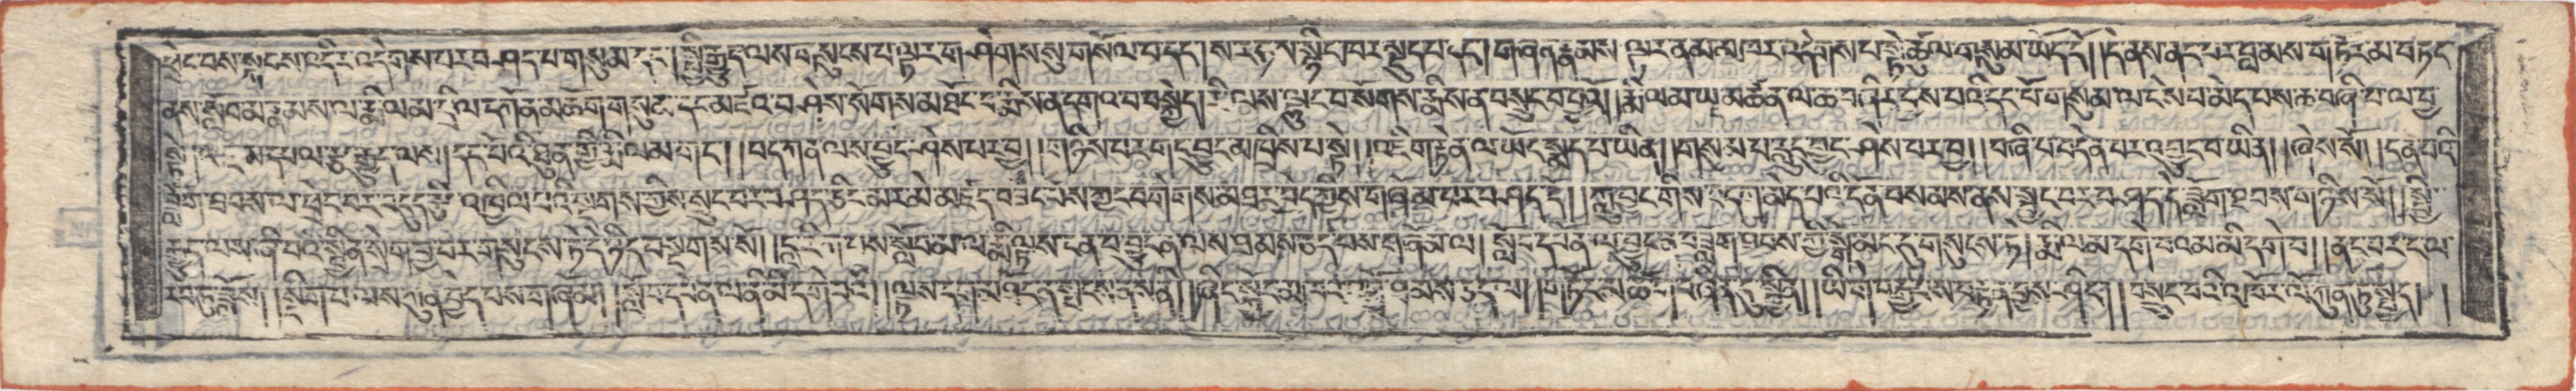ཕྲེང་བས་སྐབས་འདིར་འདེགས་པར་བཤད་པ་གསུམ་དང་། སྤྱི་རྒྱུད་ལས་གསུངས་པ་ལྟར་གཤེགས་སུ་གསོལ་བ་དང་། ས་ར་ཧས་སྙིང་ཁར་སྡུད་པ་དང་། གཞན་རྣམས་ལྟར་ནམ་མཁར་འདེགས་པ་སྟེ་ཚུལ་གསུམ་ཡོད་དོ། །དེ་ནས་ནང་པར་བླ་མས་གཏོར་མ་བཏང་
ནས་སློབ་མ་རྣམས་ལ་རྨི་ལམ་དྲི་ལ་དཀོན་མཆོག་གསུམ་དང་མཛའ་བཤེས་སོགས་མཐོང་བ་རྨིས་ན་དགའ་བ་བསྐྱེད། རི་ལས་ལྷུང་བ་སོགས་རྨིས་ན་བསྲུང་བ་བྱའོ། །རྨི་ལམ་ཡང་མཚན་ལ་ཆ་བཞིར་བྱས་པའི་དང་པོ་གསུམ་ལ་ངེས་པ་མེད་པས་ཆ་བཞི་པ་ལ་བྱ་
སྟེ། འཇམ་དཔལ་རྩ་རྒྱུད་ལས། དང་པོའི་ཐུན་གྱི་རྨི་ལམ་གང་། །བད་ཀན་ལས་བྱུང་ཤེས་པར་བྱ། །གཉིས་པར་གང་བྱུང་མཁྲིས་པ་སྟེ། །འཇིག་རྟེན་ལ་ཡོད་སྨད་པ་ཡིན། །གསུམ་པ་རླུང་བྱུང་ཤེས་པར་བྱ། །བཞི་པ་བདེན་པར་འབྱུང་བ་ཡིན། །ཞེས་སོ། །ངན་པའི་
ཟློག་ཐབས་ལ་ཕྲེང་བར་བདུད་རྩི་འཁྱིལ་བའི་སྔགས་ཀྱིས་སྲུང་བར་བཤད་ཅིང་མར་མེ་མཛད་བཟང་པོས་ཀྱང་བགེགས་མཐར་བྱེད་ཀྱིས་གཞོམ་པར་བཤད་དོ། །ཀླུ་བྱང་གིས་བདག་མེད་པའི་དོན་བསམས་ནས་སྦྱང་བར་བཤད་དེ་ཟློག་ཐབས་གཉིས་སོ། །སྤྱི་
རྒྱུད་ལས་ཞི་བའི་སྦྱིན་སྲེག་བྱ་བར་གསུངས་ཏེ་དེ་ཉིད་བསྔགས་སོ། །དཱ་རིག་པས་སློབ་མ་ལ་རྨི་ལྟས་ངན་པ་བྱུང་ན་ལས་ཐམས་ཅད་པས་གཞོམ་ལ། སློབ་དཔོན་ལ་བྱུང་ན་བཟློག་ཐབས་ཀྱི་སྒོ་མང་དུ་གསུངས་ཏེ། རྨི་ལམ་དགེ་བའམ་མི་དགེ་བ། །ནང་པར་ང་ལ་
རབ་ཏུ་ཟློས། །སྡིག་པ་ལས་ཀུན་བྱེད་པས་གཞོམ། །སློབ་དཔོན་ལ་ནི་མི་དགེ་བའི། །ལྟས་དག་མཐོང་ན་སྤངས་ནས་ནི། །ཞིང་སྐྱོང་མཁའ་འགྲོ་ཐམས་ཅད་ལ། །གཏོར་མ་ཆོ་ག་བཞིན་དུ་སྦྱིན། །ཡི་གེ་བརྒྱ་པས་བརྟན་བྱས་ཤིང་། །བསྲུང་བའི་འཁོར་ལོ་ཀུན་ཏུ་སྤྱད། །